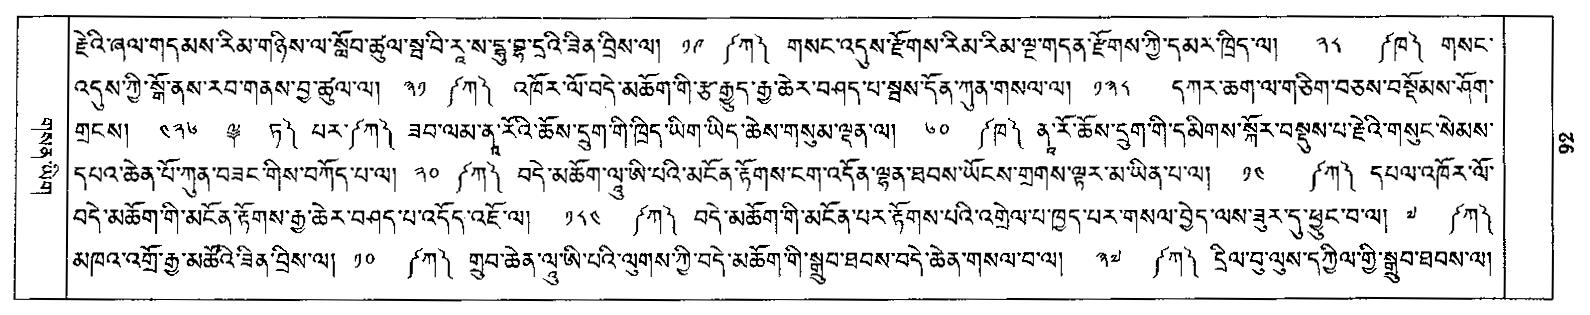རྗེའི་ཞལ་གདམས་རིམ་གཉིས་ལ་སློབ་ཚུལ་སྦ་བི་རཱ་ས་དྷུ་བྷ་དྲའི་ཟིན་བྲིས་ལ། ༡༩་?ཀ༼་གསང་འདུས་རྫོགས་རིམ་རིམ་ལྔ་གདན་རྫོགས་ཀྱི་དམར་ཁྲིད་ལ། ༢༨་?ཁ༽ གསང་
འདུས་ཀྱི་སྒོ་ནས་རབ་གནས་བྱ་ཚུལ་ལ། ༣༡་?ཀ་འཁོར་ལོ་བདེ་མཆོག་གི་རྩ་རྒྱུད་རྒྱ་ཆེར་བཤད་པ་སྦས་དོན་ཀུན་གསལ་ལ། ༡༣༨་དཀར་ཆག་ལ་གཅིག་བཅས་བསྡོམས་ཤོག་
གྲངས། ༤༢༦་༈ ཏ༼་པར་?ཀ༽ ཟབ་ལམ་ནཱ་རོའི་ཆོས་དྲུག་གི་ཁྲིད་ཡིག་ཡིད་ཆེས་གསུམ་ལྡན་ལ། ༦༠་?ཁ་ནཱ་རོ་ཆོས་དྲུག་གི་དམིགས་སྐོར་བསྡུས་པ་རྗེའི་གསུང་སེམས་
དཔའ་ཆེན་པོ་ཀུན་བཟང་གིས་བཀོད་པ་ལ། ༢༠་?ཀ༼་བདེ་མཆོག་ལཱུ་ཨི་པའི་མངོན་རྟོགས་ངག་འདོན་ལྷན་ཐབས་ཡོངས་གྲགས་ལྟར་མ་ཡིན་པ་ལ། ༡༤་?ཀ༽ དཔལ་འཁོར་ལོ་
བདེ་མཆོག་གི་མངོན་རྟོགས་རྒྱ་ཆེར་བཤད་པ་འདོད་འཇོ་ལ། ༡༨༤་?ཀ༼་བདེ་མཆོག་གི་མངོན་པར་རྟོགས་པའི་འགྲེལ་པ་ཁྱད་པར་གསལ་བྱེད་ལས་ཟུར་དུ་ཕྱུང་བ་ལ། ༧་?ཀ༽
མཁའ་འགྲོ་རྒྱ་མཚོའི་ཟིན་བྲིས་ལ། ༡༠་?ཀ༼་གྲུབ་ཆེན་ལཱུ་ཨི་པའི་ལུགས་ཀྱི་བདེ་མཆོག་གི་སྒྲུབ་ཐབས་བདེ་ཆེན་གསལ་བ་ལ། ༣༧་?ཀ༽ དྲིལ་བུ་ལུས་དཀྱིལ་གྱི་སྒྲུབ་ཐབས་ལ།